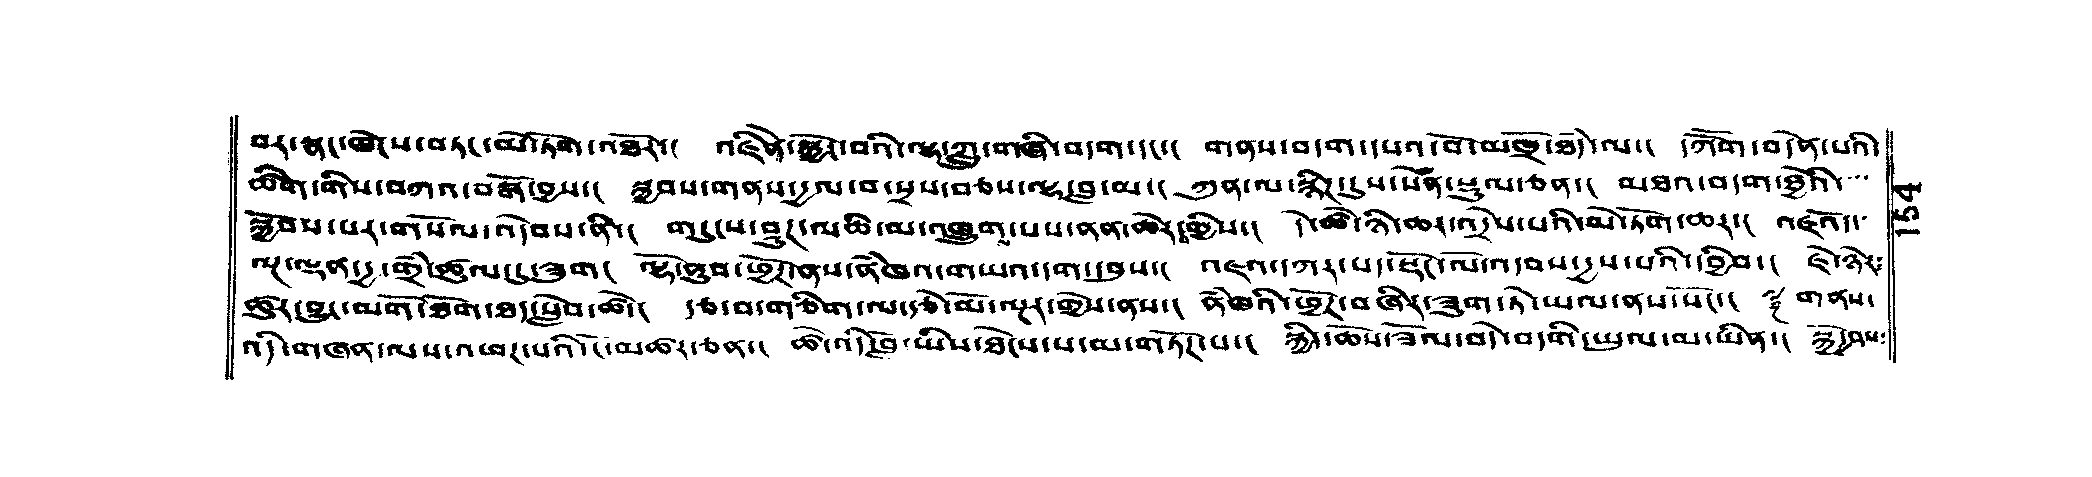བར་སྣང་ཁེངས་བཏང་མེ་ཏོག་འཐོར། །འཇིག་རྟེན་སྐྱོང་བའི་ལྷ་ཀླུ་གཞི་བདག་དང་། །གནས་བདག་དཔའ་བོ་མཁའ་འགྲོ་ཐམས་ཅད་ལ། །དཀོན་མཆོག་བདེན་པའི་
ཚིག་གིས་བཀའ་བསྒོ་བྱས། །སྐྱབས་གནས་རྒྱལ་བ་སྲས་བཅས་ལྷ་བླ་མ། །ཀུན་ལ་སྙིགས་དུས་སེམས་ཅན་སྡུག་བསྔལ་ཅན། །མཐའ་དག་ཐུགས་རྗེའི་
སྐྱོབས་པར་གསོལ་འདེབས་ནི། །གདུངས་ཤུགས་མཆི་མ་འཁྲུགས་པས་ནན་ཆེར་བགྱིས། །དེ་ཚེ་ཉི་ཆར་འདྲེས་པའི་མེ་ཏོག་ཆར། །འཇའ་འོད་
ལྔ་ལྡན་རྒྱ་གྲམ་ཚུལ་དུ་ཟུག།ལྷོ་ནུབ་ཕྱོགས་ནས་ནམ་མཁའ་གཡའ་དག་དབུས། །འཇའ་དཀར་པད་སྡོང་ལོ་འདབ་རྒྱས་པའི་དབྱིབས། །ཇེ་ཉེར་
ཚུར་བྱུང་མགོ་ཐོག་ཐད་སླེབས་ཚེ། །རྩ་བ་གཅིག་ལ་རྩེ་མོ་ལྔར་གྱེས་ནས། །ནམ་མཁའི་ཕྱོགས་བཞིར་ཟུག་ཏེ་ཡལ་ནས་སོང་། །གནས་
འདི་གཞན་ལས་འཕགས་པའི་ངོ་མཚར་ཅན། །ཚེ་འདི་བློ་ཡིས་ཐོངས་པ་མ་གཏོགས་པ། །སྐྱིད་ཆོས་ཟོལ་བདེ་བདག་གི་ཡུལ་མ་ཡིན། །སྐྱོ་ཤས་